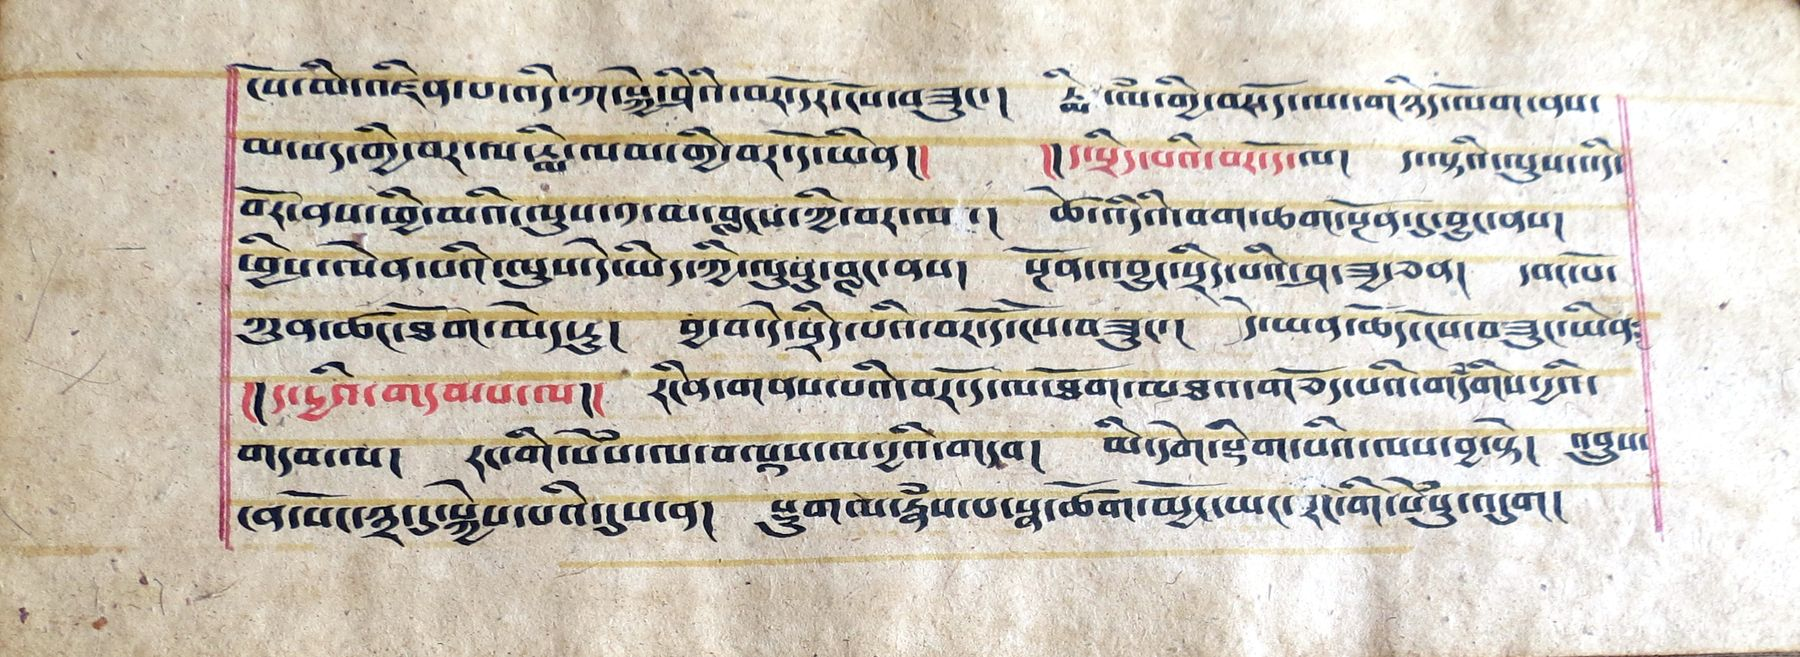ངོས་མི་འཛིན་པ་འདི་ཀ་སྐྱེ་ཤིའི་བར་དོར་ངོས་བཟུང་། རྨི་ལམ་གྱི་བར་དོ་ལ་གཉིད་ལོགས་ནས་
མ་སད་ཀྱི་བར་ལ་རྨི་ལམ་གྱི་བར་དོ་ཡིན། །ད་སྲིད་པའི་བར་དོ་ལ་ད་ལྟའི་ལུས་འདི་
དོར་ནས་ཕྱི་མའི་ལུས་མ་བླངས་ཀྱི་བར་དུ། ཚེ་འདིའི་བག་ཆགས་སྔོན་དུ་བྱུང་ནས། 
ཕྱིས་ལེན་པའིི་ལུས་དེ་ཡིད་ཀྱི་ལུས་སུ་བླངས་ནས། སྔོན་འབྱུང་སྲིད་པའི་ཤ་གཟུགས་ཅན། དབང་པོ་
ཀུན་ཚང་ཐོགས་མེད་རྒྱུ། བྱ་བ་དེ་སྲིད་པའི་བར་དོ་ངོས་བཟུང་། དེ་ཡན་ཆོད་ངོས་བཟུང་ཡིན། 
ད་རྒྱ་ཡིས་གདབ་པ་ལ། རང་བཞིན་གནས་པའི་བར་དོ་ལ་ཐོག་མཐའ་གཅོད་པའི་གདམས་ངག རྒྱ་ཡིས་
གདབ་ལ། རང་གི་སེམས་ལ་བལྟས་ལ་རྒྱ་ཡིས་གདབ། མི་དགེ་སྡིག་པའི་ལས་བྱ་སྟེ། འབྲས་བུ་
ངན་སོང་གསུམ་དུ་སྐྱེས་པའི་དུས་ན། སྡུག་བསྔལ་རྣམ་པ་སྣ་ཚོགས་མྱོང་ཡང་རང་གི་སེམས་སུ་འདུག